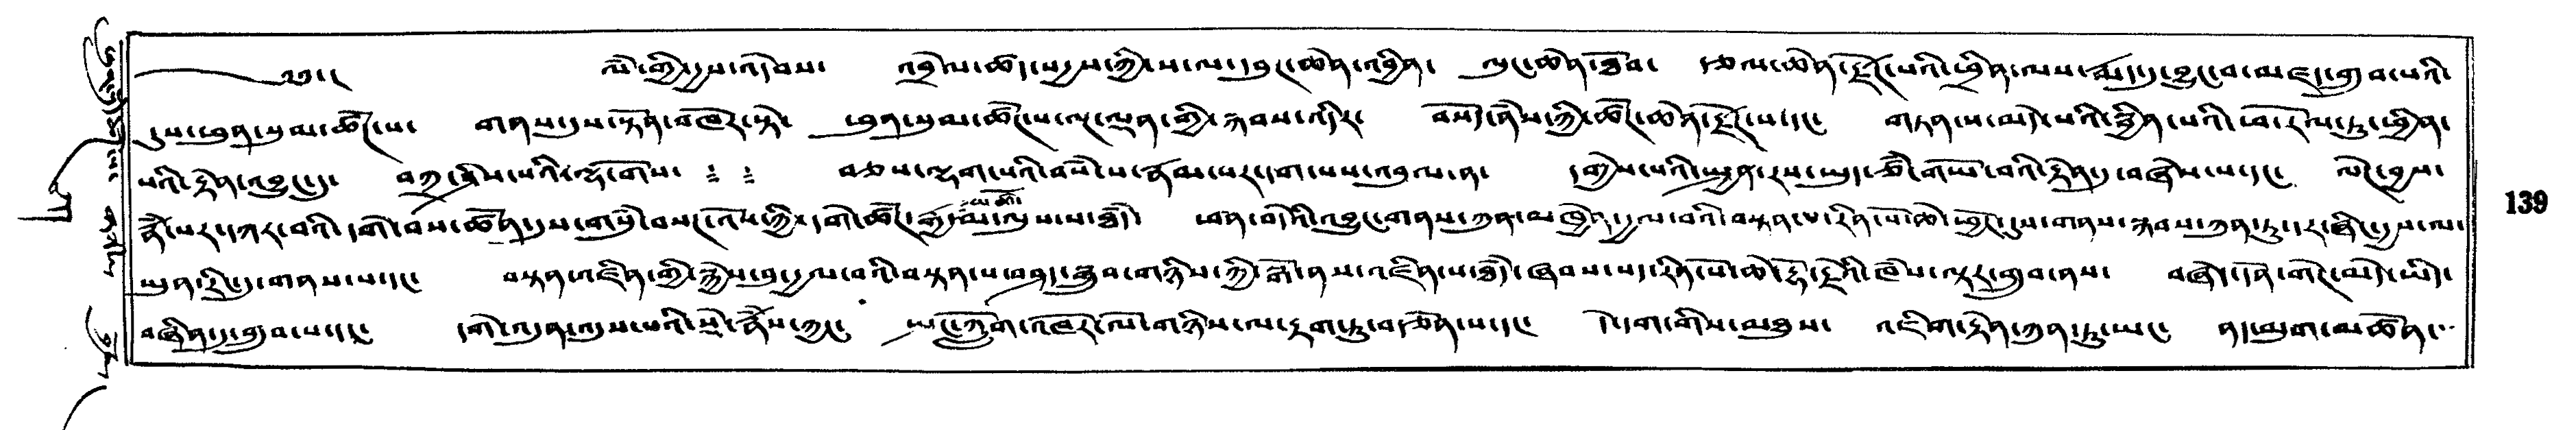ལམ་གྱིས་རྒྱས་བཏབ། འབྲེལ་ཚད་སངས་རྒྱས་ཀྱི་ས་ལ་དབུགས་ཆེན་འབྱིན། ལུང་ཆེན་ཐོབ། རྩལ་ཆེན་རྫོགས་པའི་ཕྲིན་ལས་རྨད་དུ་བྱུང་བ་མཛད་གྲུབ་པའི་
དུས་ཕུན་སུམ་ཚོགས་པ་སྟེ། གནས་དུས་སྟོན་འཁོར་ཕུན་སུམ་ཚོགས་པ་ལྔ་ལྡན་གྱི་སྐབས་འདིར། བསོད་ནམས་ཀྱི་ཚོགས་ཆེན་རྫོགས་པ་དང་། གཏན་པ་མེད་པའི་སྦྱིན་པའི་ཕ་རོལ་ཏུ་ཕྱིན་
པའི་རྟེན་འབྱུང་དུ། བཀྲ་ཤིས་པའི་ལྷ་གོས་བཅས་ལྷག་པའི་བསམ་པ་རྣམ་པར་དག་པས་འབུལ་ན། དགྱེས་པའི་སྤྱན་རས་ཡུད་ཙམ་གཡོ་བའི་རྟེན་དུ་བཞེས་པ་དང་། ལེགས་བྱས་
རྣམ་པར་དཀར་བའི་དགེ་བས་ཚོན་དུས་གསུམ་བསགས་ཡོད་ཀྱི་དགེ་ཚོགས་རྒྱ་མཚོ་མ་ལུས་པ་ཐམས་ཅད་ཕན་བདེའི་འབྱུང་གནས་ཀུན་མཁྱེན་རྒྱལ་བའི་བསྟན་པ་རིན་པོ་ཆེ་ཕྱོགས་དུས་གནས་སྐབས་ཀུན་ཏུ་དར་ཞིང་རྒྱས་ལ་
ཡུན་རིང་དུ་གནས་པ་དང་། བསྟན་འཛིན་གྱི་སྐྱེས་བུ་རྒྱལ་བའི་བསྟན་པ་བཤད་སྒྲུབ་གཉིས་ཀྱིས་སྒོ་ནས་འཛིན་པ་ཐམས་ཅད་ཞབས་པད་རིན་པོ་ཆེ་རྡོ་རྗེའི་ཁམས་ལྟར་གྲུབ་ནས་བཞེད་དོན་ཐམས་ཅད་གེགས་མེད་ཡིད་
བཞིན་དུ་འགྲུབ་པ་དང་། དགེ་འདུན་འདུས་པའི་སྡེ་རྣམས་ཀྱང་། སྤང་ཀློག་འཁོར་ལོ་གཉིས་ལ་རྟག་ཏུ་བརྩོན་པ་དང་། དེ་དག་གིས་མཐུས་འཇིག་རྟེན་ཀུན་ཏུ་ཡང་། ནད་མུག་མཚོན་